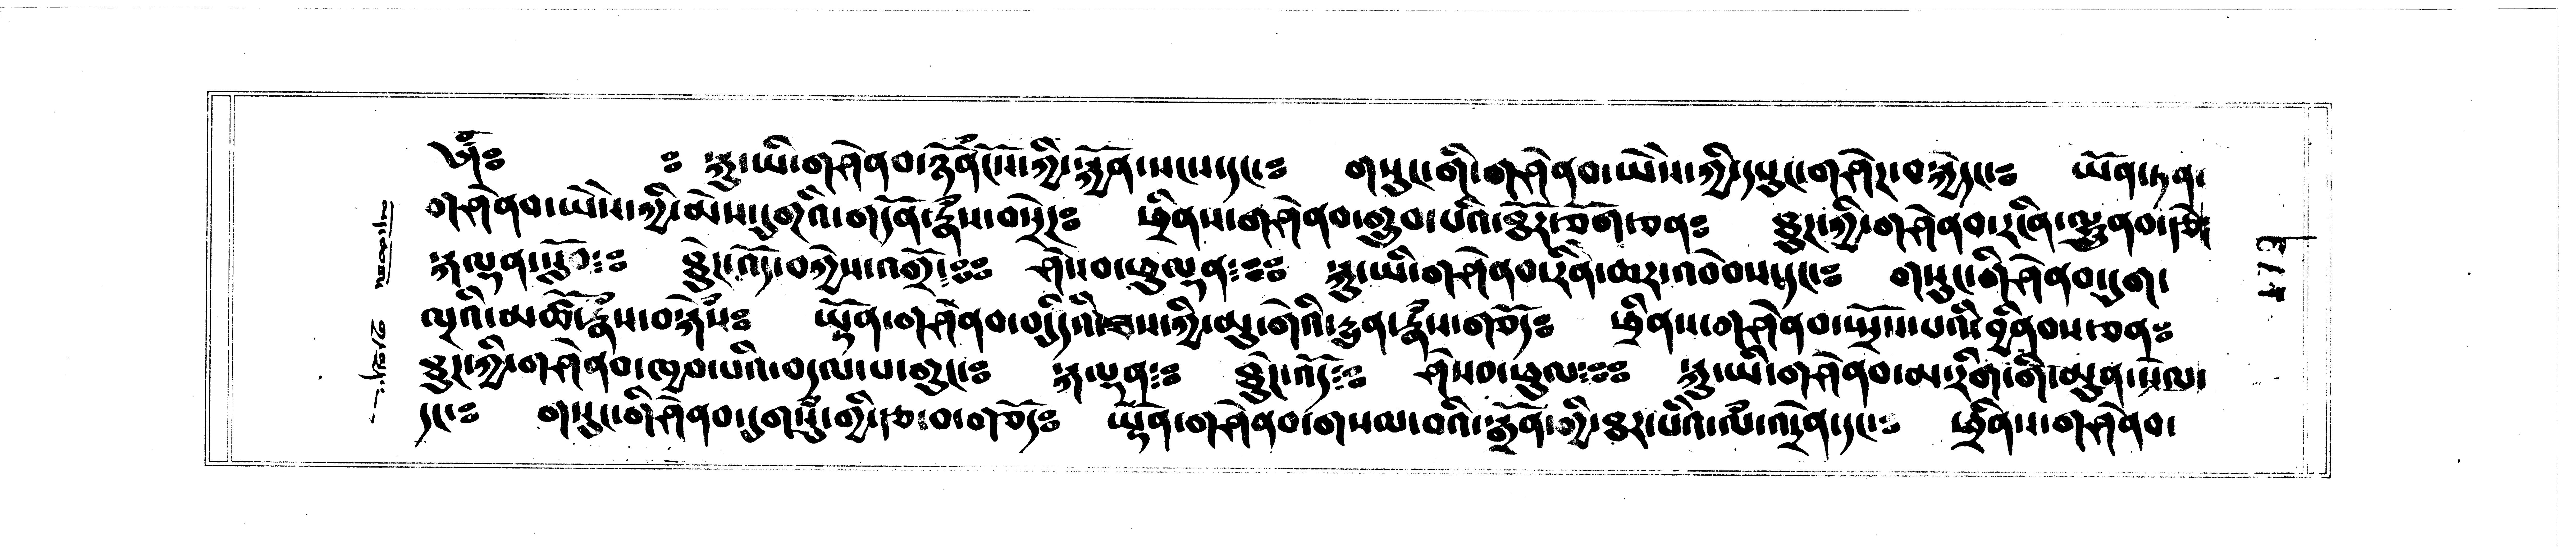སྐུ་ཡི་གཤེན་རབ་ཉོན་མོངས་ཀྱི་སྐྱོན་སངས་དངཿ གསུང་གི་གཤེན་རབ་ཡེ་ཤེས་ཀྱི་དཔུང་བསྐྱེད་དངཿ ཡོན་ཏན་
གཤེན་རབཿ ཡེ་ཤེས་ཀྱི་མེས་དུག་ལྔའི་གདོན་རྣམས་སྲེགཿ ཕྲིན་ལས་གཤེན་རབ་གྲུབ་པའི་ཐོར་ཅོག་ཅནཿ ཐུགས་ཀྱི་གཤེན་རབ་རང་བཞིན་ལྷུན་གྲུབ་རྩེཿ 
སྐལ་ལྡན་སློབ་མ་རྣམས་ལ་དབང་བསྐུར་བསཿ ཐུགས་རྗེའི་འོད་བཀྱེས་འགྲོ་འདྲེན་དབང་ཐོབ་ཤོགཿ ཤེས་རབ་ཕུལ་ལྡན་གཤེན་རབ་འོད་ཟེར་ལསཿ སྐུ་ཡི་གཤེན་རབ་རིན་ཆེན་ཆར་འབེབསཿ གསུང་གི་གཤེན་རབ་ལ་དུག་
ལྔའི་མཚོ་རྣམས་སྐེམཿ ཡོན་ཏན་གྱི་གཤེན་རབ་བདུད་རྩིའི་ཟས་ཀྱིས་མུ་གེའི་རྒྱུན་གཅོད་ལཿ ཕྲིན་ལས་ཀྱི་གཤེན་རབ་སྤྲོས་པའི་བྱིན་རླབས་ཅནཿ 
ཐུགས་ཀྱི་གཤེན་རབ་ཁྱབ་པའི་བདལ་པ་གུངཿ སྐལ་ལྡན་སློབ་མ་རྣམས་ལ་དབང་བསྐུར་བསཿ ཐུགས་རྗེའི་འོད་བཀྱེས་འགྲོ་འདྲེན་དབང་ཐོབ་ཤོགཿ ཤེས་རབ་ཕུལ་ལྡན་གཤེན་རབ་འོད་ཟེར་ལསཿ སྐུ་ཡི་གཤེན་རབ་མ་རིག་གི་མུན་སེལ་
དངཿ གསུང་གི་གཤེན་རབ་དུག་གསུམ་གྱི་རྩ་བ་གཅོདཿ ཡོན་ཏན་གྱི་གཤེན་རབ་གསལ་བའི་སྒྲོན་མེས་ཐར་པའི་ལམ་འདྲེནཿ ཕྲིན་ལས་ཀྱི་གཤེན་རབ་